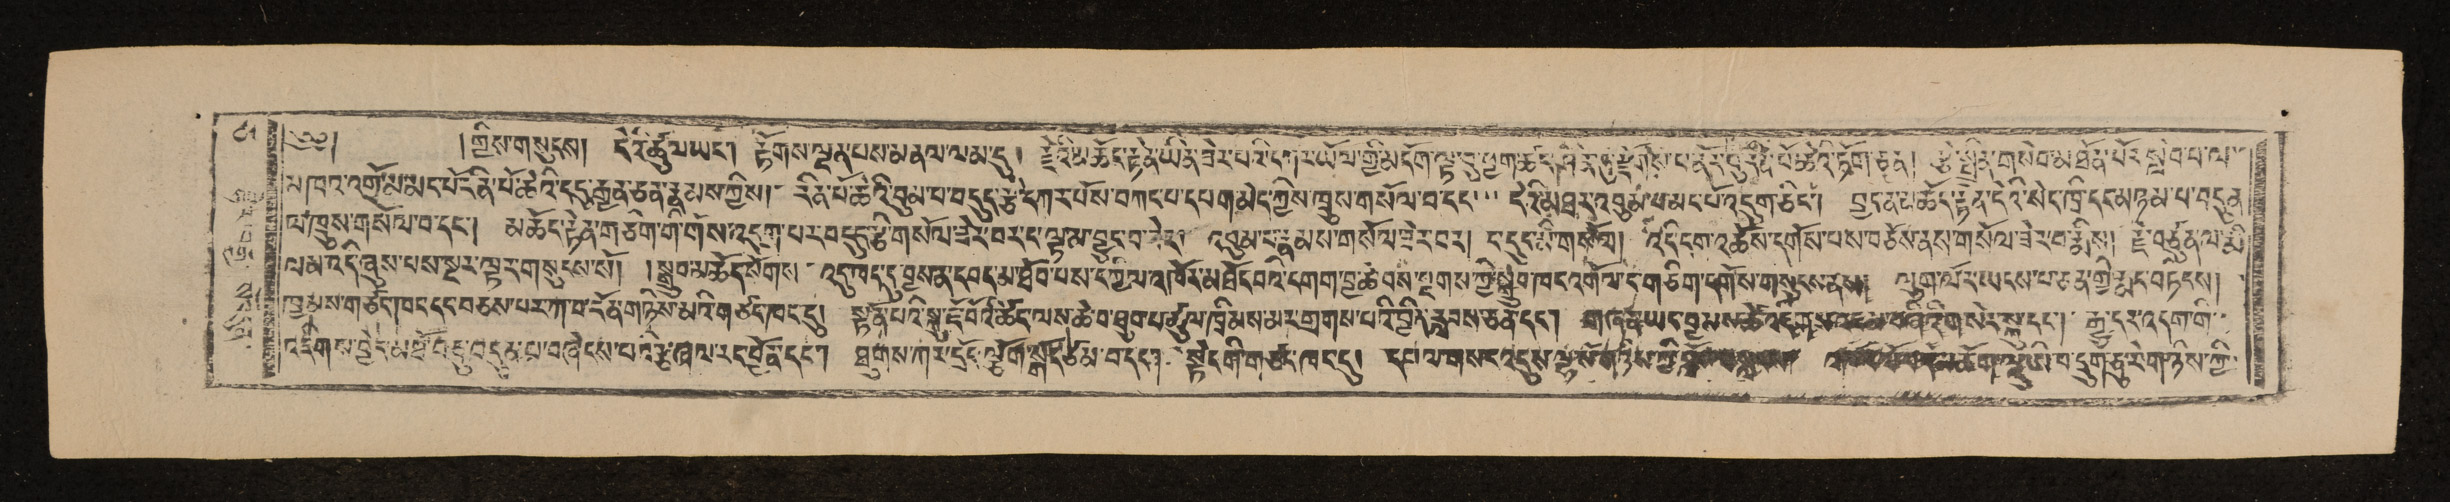༄༅། །གྱིས་གསུངས། དེའི་ཚུལ་ཡང་། རྟོགས་ལྡན་པས་མནལ་ལམ་དུ་རྗེའི་མཆོད་རྟེན་ཡིན་ཟེར་བའི་དཀར་ཡོལ་གྱི་མདོག་ལྟ་བུ་ཕྱག་ཚད་ཤིན་ཏུ་རྫོགས་པ་ནོར་བུ་རིན་པོ་ཆེའི་ཏོག་ཅན། རྩེ་སྤྲིན་གསེབ་མཐོན་པོར་སླེབ་པ་ལ་
མཁའ་འགྲོ་མ་མང་པོ་རིན་པོ་ཆེའི་དབུ་རྒྱན་ཅན་རྣམས་ཀྱིས། རིན་པོ་ཆེའི་བུམ་པ་བདུད་རྩི་དཀར་བོས་བཀང་བ་དཔག་མེད་ཀྱིས་ཁྲུས་གསོལ་བ་དང་། དེའི་མཐར་འབུམ་པ་མང་པོ་འདུག་ཅིང་། བྱང་ན་མཆོད་རྟེན་དེའི་སེང་ཁྲི་དང་མཉམ་པ་བདུན་
ལ་ཁྲུས་གསོལ་བ་དང་། མཆོད་རྟེན་གཅིག་གི་གོ་ས་འདུག་པར་བདུད་རྩི་གསོལ་ཟེར་བར་ད་ལྟ་མ་བྱུང་བ་ཟེར། འབུམ་པ་རྣམས་གསོལ་ཟེར་བར། ད་དུང་མི་གསོལ། འདི་དག་འཆོས་དགོས་པས་བཅོས་ནས་གསོལ་ཟེར་བ་རྨིས། རྗེ་བཙུན་ལ་རྨི་
ལམ་འདི་ཞུས་པས་སྔར་ལྟར་གསུངས་སོ། །སྒྲུབ་མཆོད་སོགས་འདུ་ཁང་དུ་བྱས་ན་དབང་མ་ཐོབ་པས་དཀྱིལ་འཁོར་མཐོང་བའི་དགག་བྱ་ཆེ་བས་སྔགས་ཀྱི་སྒྲུབ་ཁང་འགོལ་བ་གཅིག་དགོས་གསུངས་ནས། ལུག་ལོར་ཡངས་པ་ཅན་གྱི་རྨང་བཏིངས།
ཁྱམས་གཙང་ཁང་དང་བཅས་པར་ཀ་བ་དོན་གཉིས་མའི་གཙང་ཁང་དུ། སྟོན་པའི་སྐུ་ཇོ་བོའི་ཚད་ལས་ཆེ་བ་ཐུབ་པ་ཚུལ་ཁྲིམས་མར་གྲགས་པའི་ཕྱིན་རླབས་ཅན་དང་། གཞན་ཡང་བྱམས་ཚེ་འཇིགས་འཇམ་བཞིའི་གསེར་སྐུ་དང་། རྒྱུ་དར་འདག་གི་
འཇིགས་བྱེད་མཐོ་བཅུ་བདུན་པ་བཞེངས་པའི་རྩ་ཞལ་རང་བྱོན་དང་། ཐུགས་ཀར་དྲོད་ལྕོག་སྒོང་ཙམ་པ་དང་། སྟེང་གི་གཙང་ཁང་དུ། དཔལ་གསང་འདུས་ལྷ་སོ་གཉིས་ཀྱི་བློས་བསླངས། འཁོར་ལོ་བདེ་མཆོག་ལཱུ་ཨི་པ་དྲུག་ཅུ་རེ་གཉིས་ཀྱི་